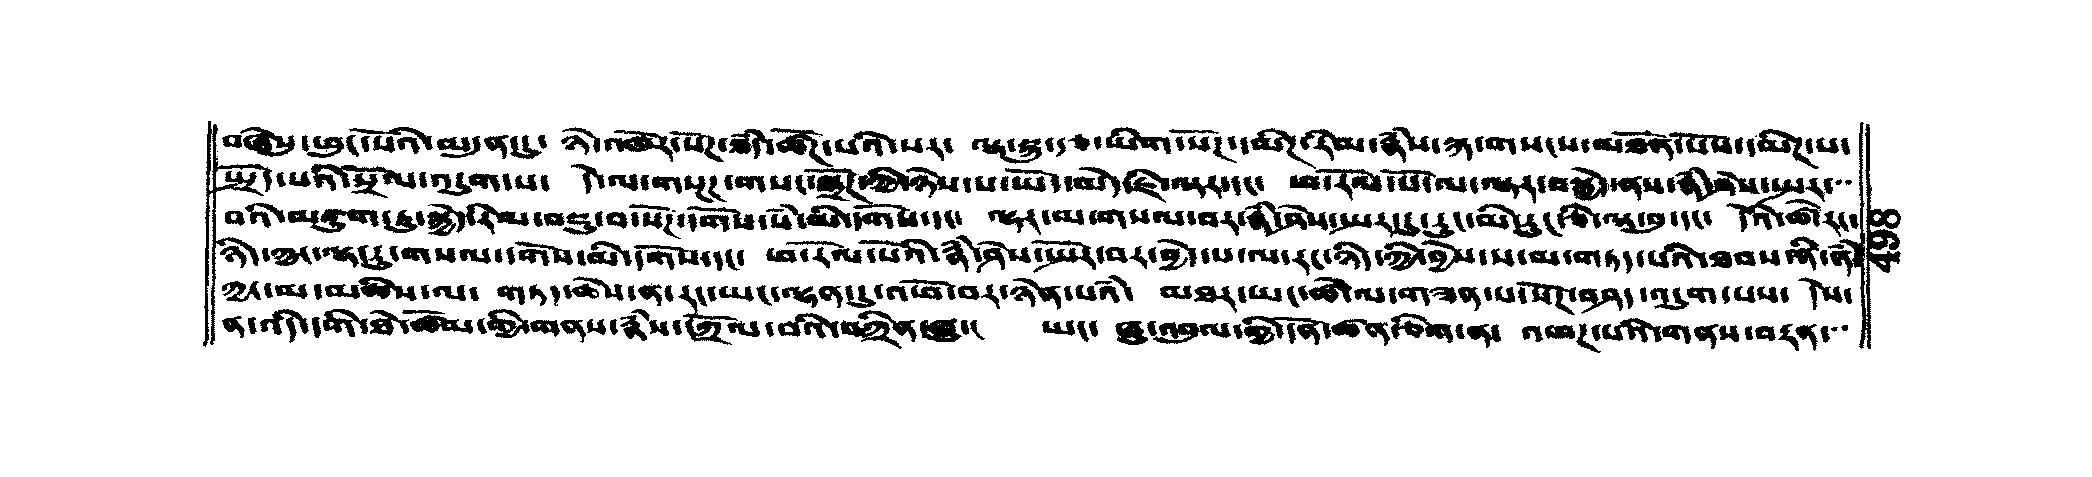བཞེས་སུ་ཕུང་པོའི་མདུན་དུ། ཉེ་འཁོར་སོགས་ཐམས་ཅད་ཚོགས་པའི་སར།ལྷ་སྐུ་རྩ་ཡིག་སོགས་དམིགས་རིམ་རྣམས་སྐད་གསངས་མཐོན་པོས་དམིགས་པ་
སྤྲོད་པའི་སྲོལ་འདུག་པ་དེ་ལ་གསང་སྔགས་གསང་སྒྲོགས་ཀྱི་ཉེས་པ་ཡོད་མེད་ཇི་ལྟར་དང་། ཕ་རོལ་པོ་ལ་ལྷར་བསྐྱེད་ནས་རྣམ་ཤེས་སྤར་
བའི་མཇུག་ཏུ་སྐྱེད་རིམ་བསྡུ་བ་སོགས་དགོས་སམ་མི་དགོས་དང་། ལྷར་མ་གསལ་བར་རྣམ་ཤེས་སྤར་དུ་རུང་མི་རུང་ཅི་ལྟ་བུ་དང་། དེའི་ཚེ་རང་
ཉིད་ཀྱང་ལྷ་རུ་གསལ་དགོས་མི་དགོས་དང་། ཕ་རོལ་པོའི་རྣམ་ཤེས་སྤོར་བར་བྱེད་པ་ལ་རང་ཉིད་ཀྱི་དམིགས་པ་མ་གཏད་པའི་ཐབས་ནི་ནམ་
ཀྱང་མ་མཆིས་ལ། གཏད་ཆེས་ན་རང་ཡང་ལྷན་དུ་འཕོ་བར་ཉེན་པའམ། མཐར་ཡང་ཚེ་ལ་གཟན་པ་སོགས་བཤད་འདུག་པས། དེས་
ན་འདི་དག་གི་ཐེ་ཚོམ་གྱི་གནས་རྣམས་དཀྲོལ་བའི་བཀའ་དྲིན་ཞུ། ཡང་ཞུ་འབུལ་གྱི་དོན་ཚན་གཅིག་ན། འཕགས་པའི་གནས་བརྟན་